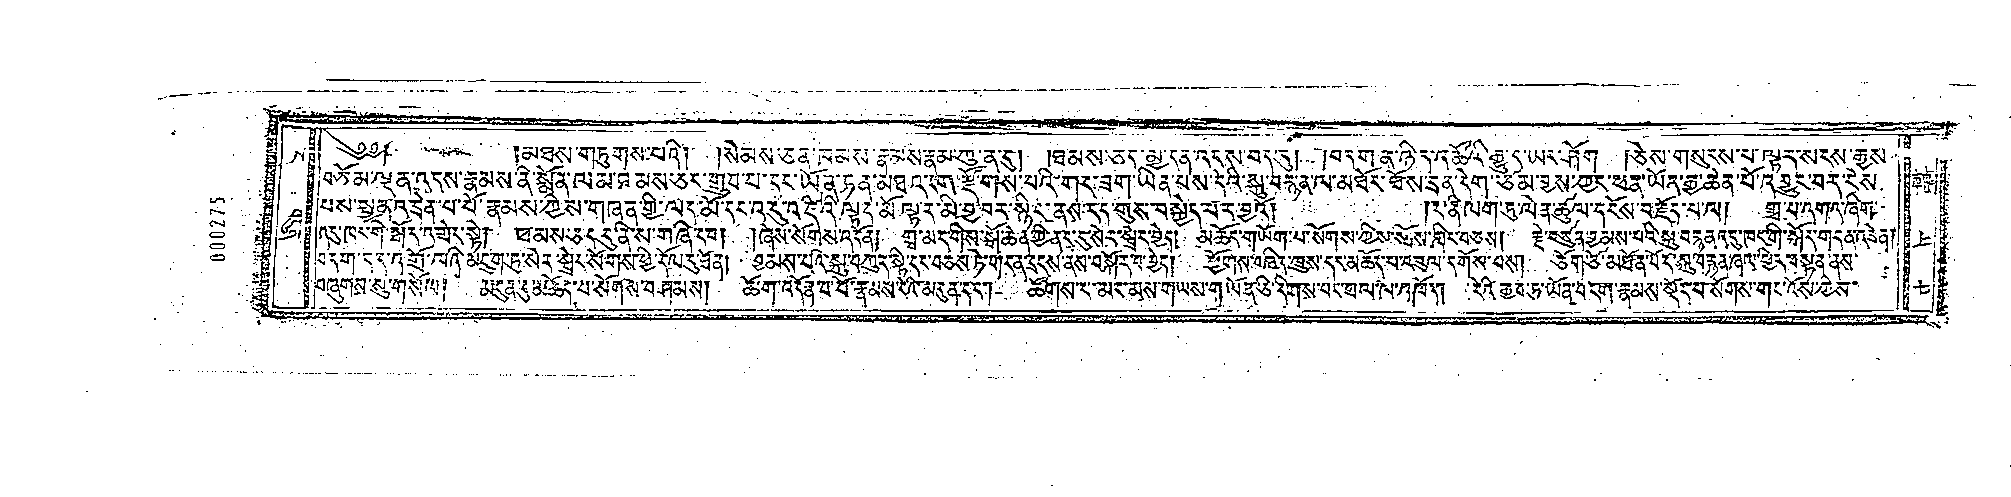༄༅། །མཐས་གཏུགས་པའི། །སེམས་ཅན་ཁམས་རྣམས་རྣམ་ཀུན་དུ། །ཐམས་ཅད་མྱ་ངན་འདས་པར་དུ། །བདག་ན་ཉིད་འཚོའི་རྒྱུད་ཡང་ཤོག །ཅེས་གསུངས་པ་ལྟར་སངས་རྒྱས་
བཅོམ་ལྡན་འདས་རྣམས་ནི་སྨོན་ལམ་ཐམས་ཅད་གྲུབ་པ་དང་ཡོན་ཏན་མཐའ་དག་རྫོགས་པའི་གང་ཟག་ཡིན་པས་དེའི་སྐུ་བརྙན་ལ་མཐོང་ཐོས་དྲན་རེག་ཙམ་བྱས་ཀྱང་ཕན་ཡོན་རྒྱ་ཆེན་པོ་འབྱུང་བར་ངེས་
པས་སྤྱན་འདྲེན་པ་པོ་རྣམས་ཀྱིས་གཞན་གྱི་ལང་མོ་དང་འདུ་འཛིའི་ལྟར་མོ་ལྟར་མི་བྱ་བར་སྙིང་ནས་དད་གུས་བསྐྱེད་པར་བྱའོ། །ང་ནི་ལག་ཏུ་ལེན་ཚུལ་དངོས་བརྗོད་པ་ལ། གྲྭ་པ་འགའ་ཞིག་
འདུ་ཁང་གི་སྒོར་འགྲེང་སྟེ། ཐམས་ཅད་དུ་ནི་ས་གཞི་དག །ཞེས་སོགས་འདོན། གྲྭ་མད་གིས་སྒོ་ཆེན་གྱི་ནང་དུ་སེར་སྦྲེང་བྱེད། མཆོད་གཡོག་པ་སོགས་ཀྱིས་སྤོས་གླིང་བཅས། རྗེ་བཙུན་བྱམས་པའི་སྐུ་བརྙན་འདུ་ཁང་གི་སྐོར་གདན་འདྲེན་
བདག་དང་འགྲོ་བའི་མཇུག་ཏུ་སེར་སྦྲེང་སོགས་ཕྱི་རོལ་དུ་ཐོན། བྱམས་པའི་སྐུ་བཀུར་སྟི་དང་བཅས་ཏེ་གདན་དྲངས་ནས་བསྐོར་བ་བྱེད། ཕྱོགས་བཞིར་ཁྲུས་དང་མཆོད་པ་འབུལ་དགོས་པས། ཅོག་ཙེ་མཐོན་པོར་སྐུ་བརྙན་ཞལ་ཕྱིར་བསྟན་ནས་
བཞུགས་སུ་གསོལ། མདུན་དུ་མཆོད་པ་སོགས་བཤམས། ཆོ་ག་འདོན་པ་པོ་རྣམས་དེའི་མདུན་དང་། ཚོགས་པ་མང་མས་གཡས་ཅི་རིགས་པར་གྲལ་ལ་འཁོར། དེའི་རྒྱབ་ཏུ་ཡོན་བདག་རྣམས་སྡོད་པ་སོགས་གང་འོས་ཀྱིས་